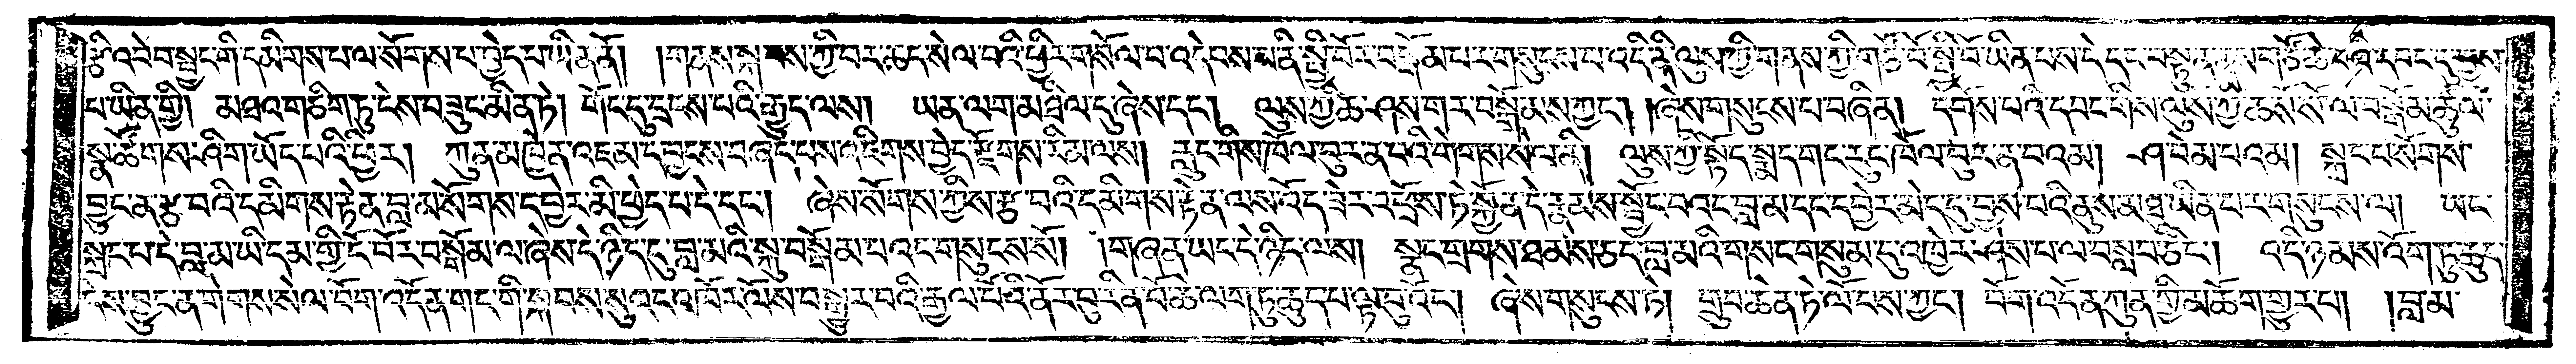རྩི་འབེབ་སྦྱང་གི་དམིགས་པ་ལ་སོགས་པ་བྱེད་པ་ཡིན་ནོ། །གནས་སྐབས་ཀྱི་བར་ཆད་སེལ་བའི་ཕྱིར་གསོལ་བ་འདེབས་པ་ནི་སྤྱི་བོར་བསྒོམ་པར་གསུངས་པ་འདི་ནི་ལུས་ཀྱི་གནས་ཀྱི་གཙོ་བོ་སྤྱི་བོ་ཡིན་པས་དེ་དང་བསྟུན་ནས་གཙོ་ཆེ་བའི་དབང་དུ་བྱས་
པ་ཡིན་གྱི། མཐའ་གཅིག་ཏུ་ངེས་བཟུང་མིན་ཏེ། གོང་དུ་དྲངས་པའི་རྒྱུད་ལས། ཡན་ལག་མཐིལ་དུ་ཞེས་དང་། ལུས་ཀྱི་ཆ་ཤས་གར་བསྒོམས་ཀྱང་། །ཞེས་གསུངས་པ་བཞིན། དགོས་པའི་དབང་གིས་ལུས་ཀྱི་ཆ་སོ་སོ་ལ་བསྒོམ་ཚུལ་
སྣ་ཚོགས་ཤིག་ཡོད་པའི་ཕྱིར། ཀུན་མཁྱེན་འཇམ་དབྱངས་བཞད་པས་འཇིགས་བྱེད་རྫོགས་རིམ་ལས། རླུང་གིས་ཁོལ་བུར་ན་བའི་གེགས་སལ་ནི། ལུས་ཀྱི་སྟོད་སྨད་གང་རུང་ཁོལ་བུར་ན་པའམ། ཤ་བེམ་པའམ། སྐྲད་བ་སོགས་
བྱུང་ན་རྩ་བའི་དམིགས་རྟེན་བླ་མ་སོགས་འབྱར་མི་ཕྱེད་པ་དེ་དང་། ཞེས་སོགས་ཀྱིས་རྩ་བའི་དམིགས་རྟེན་ལས་འོད་ཟེར་འཕྲོས་པོ་ཏེ་སྐྱོན་དེ་རྣམས་སྦྱོང་བའང་བླ་མ་དང་དབྱེར་མེད་དུ་བྱས་པའི་ནུས་མཐུ་ཡིན་པར་གསུངས་ལ། ཡང་
སྐྲང་པ་དེ་བླ་མ་ཡི་དམ་གྱི་ངོ་བོར་བསྒོམ་ལ་ཞེས་དེ་ཉིད་དུ་བླ་མའི་སྐུ་བསྒོམ་པའང་གསུངས་སོ། །གཞན་ཡང་དེ་ཉིད་ལས། སྣང་གྲགས་ཐམས་ཅད་བླ་མའི་གསང་གསུམ་དུ་འཁྱེར་ཤེས་པ་ལ་བསླབ་ཅིང་། འདི་ཉམས་འོག་ཏུ་ཆུང་
ངེས་བྱུང་ན་གེགས་སེལ་ངོ་ག་འདོན་གང་གི་སྐབས་སུའང་འཁོར་ལོས་བསྒྱུར་བའི་རྒྱལ་པོའི་ནོར་བུ་རིན་པོ་ཆེ་ལག་ཏུ་ཆུད་པ་ལྟ་བུ་འོང་། ཞེས་གསུངས་ཏེ། གྲུབ་ཆེན་ཏེ་ལོ་པས་ཀྱང་། བོག་འདོན་ཀུན་ཟྒྱི་མཆོག་གྱུར་པ། །བླ་མ་